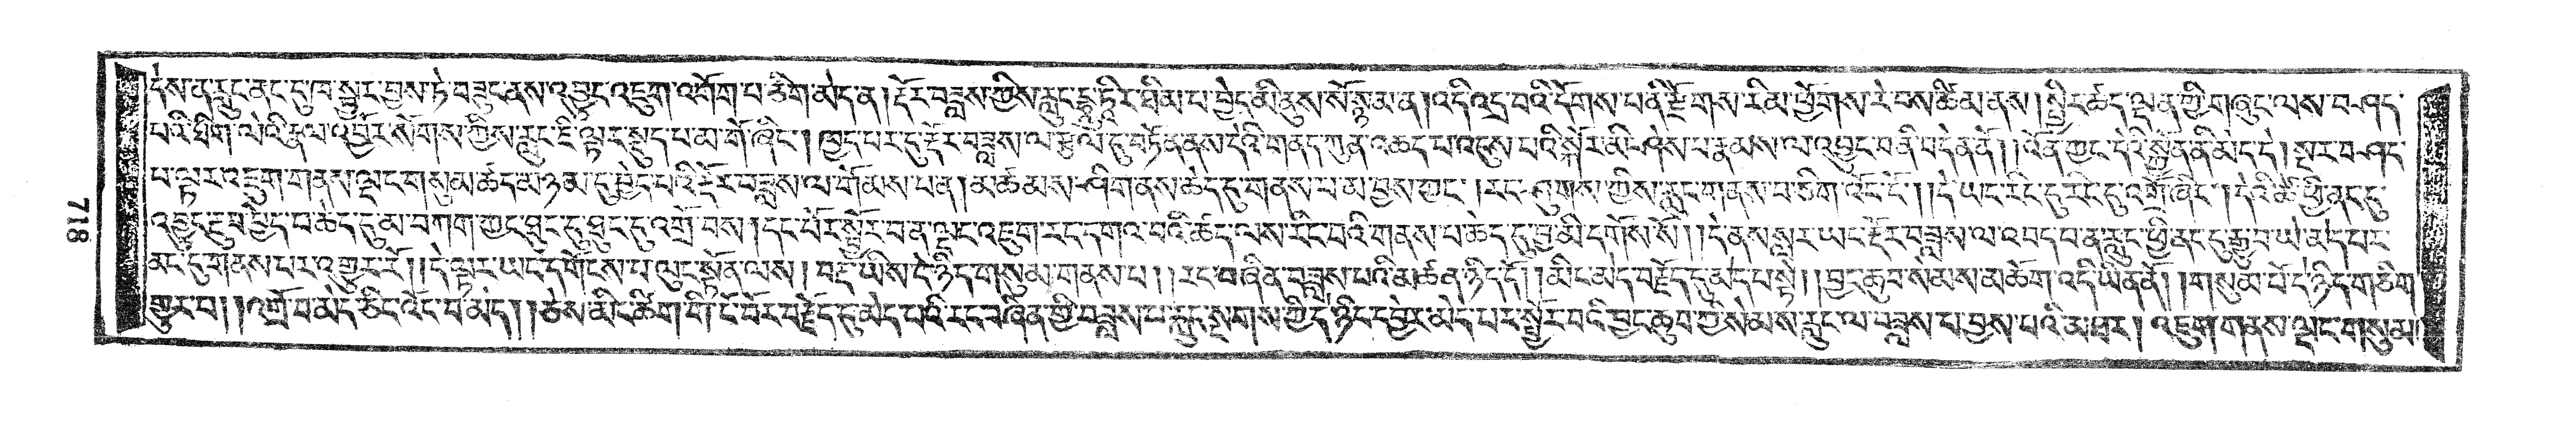དེས་ན་རླུང་ནང་དུ་ཁ་སྦྱར་བྱས་ཏེ་བཟུང་ནས་འབྱུང་འཇུག་འགོག་པ་ཅིག་མེད་ན། རྡོར་བཟླས་ཀྱིས་རླུང་དྷཱུ་ཏཱིར་ཐིམ་པ་བྱེད་མི་ནུས་སོ་སྙམ་ན། འདི་འདྲ་བའི་དོགས་པ་ནི་རྫོགས་རིམ་ཕྱོགས་རེ་བས་ཚིམ་ནས། སྤྱིར་ཚད་ལྡན་གྱི་གཞུང་ལས་བཤད་
པའི་ཐིག་ལེའི་རྣལ་འབྱོར་སོགས་ཀྱིས་རླུང་ཇི་ལྟར་སྡུད་པ་མ་གོ་ཞིང་། ཁྱད་པར་དུ་རྡོར་བཟླས་ལ་རྩལ་དུ་བཏོན་ནས་དེའི་གནད་ཀུན་འཆད་པ་འདུས་པའི་སྐོར་མི་ཤེས་པ་རྣམས་ལ་འབྱུང་བ་ནི་བདེན་ནོ། །འོན་ཀྱང་དེའི་སྐྱོན་ནི་མེད་དེ། སྔར་བཤད་
པ་ལྟར་འཇུག་གནས་ལྡང་གསུམ་ཚད་མཉམ་དུ་བྱེད་པའི་རྡོར་བཟླས་ལ་གོམས་པ་ན། མཚམས་ཤིག་ནས་ཆེད་དུ་གནས་པ་མ་བྱས་ཀྱང་། རང་ཤུགས་ཀྱིས་རླུང་གནས་བ་ཅིག་འོང་ངོ། །དེ་ཡང་རིང་དུ་རིང་དུ་འགྲོ་ཞིང་། དེའི་ཚེ་ཕྱི་ནང་དུ་
འབྱུང་རྡུབ་བྱེད་པ་ཆེད་དུ་མ་བཀག་ཀྱང་ཐུང་ངུ་ཐུང་དུ་འགྲོ་བས། དང་པོར་སྦྱོར་བ་ན་ལྡང་འཇུག་རང་དགའ་བའི་ཚད་ལས་རིང་བའི་གནས་པ་ཆེད་དུ་བྱ་མི་དགོས་སོ། །དེ་ནས་སླར་ཡང་རྡོར་བཟླས་ལ་འབད་པ་ན་རླུང་ཕྱི་ནང་དུ་རྒྱུ་བ་ཡེ་མེད་པར་
ནང་དུ་གནས་པར་འགྱུར་རོ། །དེ་ལྟར་ཡང་དགོངས་པ་ལུང་སྟོན་ལས། བརྡ་ཡིས་དེ་ཉིད་གསུམ་གནས་པ། །རང་བཞིན་བཟླས་པའི་མཚན་ཉིད་དོ། །མིང་མེད་བརྗོད་དུ་མེད་པ་སྟེ། །བྱང་ཆུབ་སེམས་མཆོག་འདི་ཡིན་ནོ། །གསུམ་པོ་དེ་ཉིད་གཅིག་
གྱུར་པ། །འགྲོ་བ་མེད་ཅིང་འོང་བ་མེད། །ཅེས་མིང་ཚིག་གི་ངོ་བོར་བརྗོད་དུ་མེད་པའི་རང་བཞིན་གྱི་བཟླས་པ་རླུང་སྔགས་ཀྱི་དེ་ཉིད་དབྱེར་མེད་པར་སྦྱོར་བའི་བྱང་ཆུབ་ཀྱི་སེམས་རླུང་ལ་བཟླས་པ་བྱས་པའི་མཐར། འཇུག་གནས་ལྡང་གསུམ་